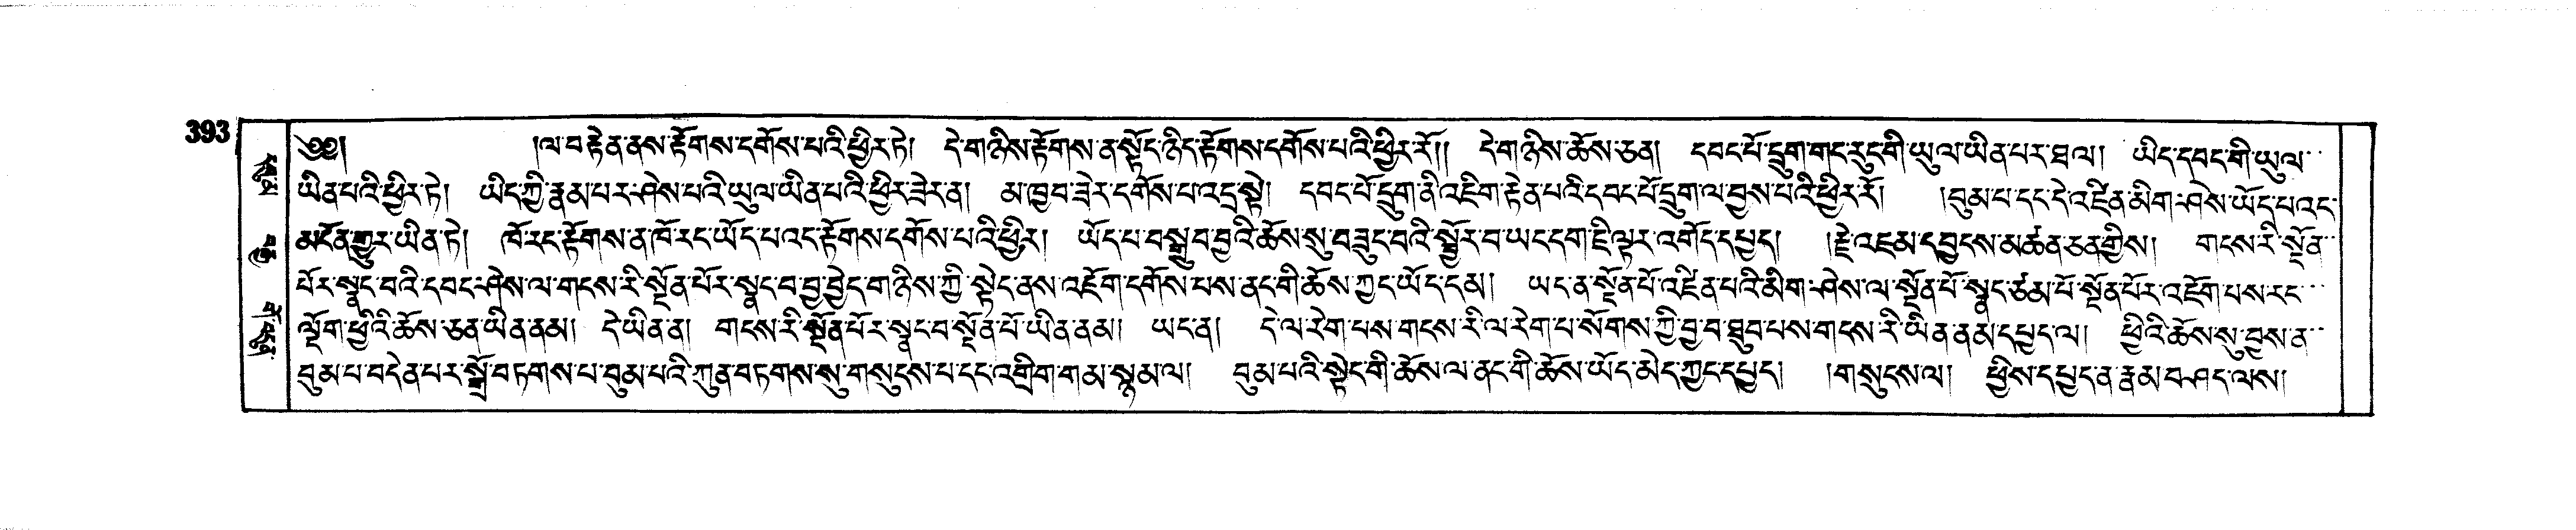༄༅། །ལ་བརྟེན་ནས་རྟོགས་དགོས་པའི་ཕྱིར་ཏེ། དེ་གཉིས་རྟོགས་ན་སྟོང་ཉིད་རྟོགས་དགོས་པའི་ཕྱིར་རོ། །དེ་གཉིས་ཆོས་ཅན། དབང་པོ་དྲུག་གང་རུང་གི་ཡུལ་ཡིན་པར་ཐལ། ཡིད་དབང་གི་ཡུལ་
ཡིན་པའི་ཕྱིར་ཏེ། ཡིད་ཀྱི་རྣམ་པར་ཤེས་པའི་ཡུལ་ཡིན་པའི་ཕྱིར་ཟེར་ན། མ་ཁྱབ་ཟེར་དགོས་པ་འདྲ་སྟེ། དབང་པོ་དྲུག་ནི་འཇིག་རྟེན་པའི་དབང་པོ་དྲུག་ལ་བྱས་པའི་ཕྱིར་རོ། །བུམ་པ་དང་དེ་འཛིན་མིག་ཤེས་ཡོད་པའང་
མངོན་གྱུར་ཡིན་ཏེ། ཁོ་རང་རྟོགས་ན་ཁོ་རང་ཡོད་པའང་རྟོགས་དགོས་པའི་ཕྱིར། ཡོད་པ་བསྒྲུབ་བྱའི་ཆོས་སུ་བཟུང་བའི་སྦྱོར་བ་ཡང་དག་ཇི་ལྟར་འགོད་དཔྱད། །རྗེ་འཇམ་དབྱངས་མཚན་ཅན་གྱིས། གངས་རི་སྔོན་
པོར་སྣང་བའི་དབང་ཤེས་ལ་གངས་རི་སྔོན་པོར་སྣང་བ་བྱ་བྱེད་གཉིས་ཀྱི་སྟེང་ནས་འཇོག་དགོས་པས་ནང་གི་ཆོས་ཀྱང་ཡོད་དམ། ཡང་ན་སྔོན་པོ་འཛིན་པའི་མིག་ཤེས་ལ་སྔོན་པོ་སྣང་ཙམ་པོ་སྔོན་པོར་འཇོག་པས་རང་
ལྡོག་ཕྱིའི་ཆོས་ཅན་ཡིན་ནམ། དེ་ཡིན་ན། གངས་རི་སྔོན་པོར་སྣང་བ་སྔོན་པོ་ཡིན་ནམ། ཡང་ན། དེ་ལ་རེག་པས་གངས་རི་ལ་རེག་པ་སོགས་ཀྱི་བྱ་བ་ཐུབ་པས་གངས་རི་ཡིན་ནམ་དཔྱད་ལ། ཕྱིའི་ཆོས་སུ་བྱས་ན་
བུམ་པ་བདེན་པར་སྒྲོ་བཏགས་པ་བུམ་པའི་ཀུན་བཏགས་སུ་གསུངས་པ་དང་འགྲིག་གམ་སྙམ་ལ། བུམ་པའི་སྟེང་གི་ཆོས་ལ་ནང་གི་ཆོས་ཡོད་མེད་ཀྱང་དཔྱད། །གསུངས་ལ། ཕྱིས་དཔྱད་ན་རྣམ་བཤད་ལས།